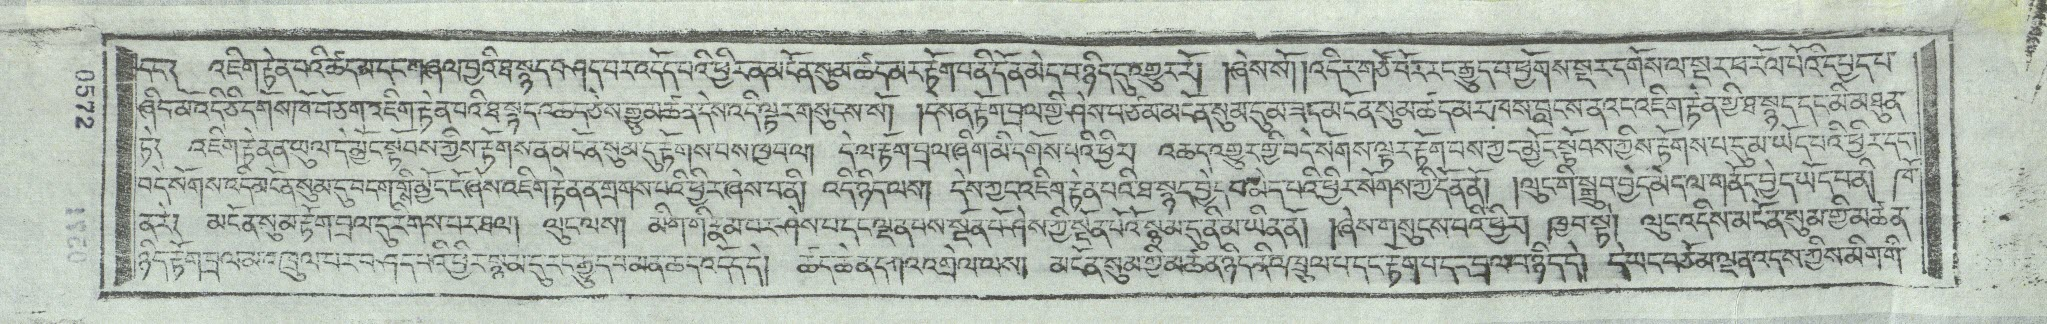དང་། འཇིག་རྟེན་པའི་ཚད་མ་དང་གཞལ་བྱའི་ཐ་སྙད་བཤད་བར་འདོད་པའི་ཕྱིར་ན་མངོན་སུམ་ཚད་མར་རྟོག་པ་ནི་དོན་མེད་པ་ཉིད་དུ་འགྱུར་རོ། །ཞེས་སོ། །འདིར་གཙོ་བོར་རང་རྒྱུད་པ་ཕྱོགས་སྔར་དགོས་ལ་སྔར་ཕ་རོལ་པོའི་དཔྱད་པ་
ཞིབ་མོ་འདི་ཅི་དགོས་ཁོ་བོ་ཅག་འཇིག་རྟེན་པའི་ཐ་སྙད་འཆད་ཅེས་རྒྱུ་མཚན་དེས་འདི་ལྟར་གསུངས་སོ། །དེས་ན་རྟོག་བྲལ་གྱི་ཤེས་པ་ཙམ་མངོན་སུམ་དུ་མ་ཟད་མངོན་སུམ་ཚད་མར་ཁས་བླངས་ནའང་འཇིག་རྟེན་གྱི་ཐ་སྙད་དང་མི་མཐུན་
ཏེ༑ འཇིག་རྟེན་ན་ཡུལ་དེ་མྱོང་སྟོབས་ཀྱིས་རྟོགས་ན་མངོན་སུམ་དུ་རྟོགས་པས་ཁྱབ་ལ། དེ་ལ་རྟོག་བྲལ་ཞིག་མི་དགོས་པའི་ཕྱིར། འཆད་འགྱུར་གྱི་བདེ་སོགས་ལྟར་རྟོག་པས་ཀྱང་མྱོང་སྟོབས་ཀྱིས་རྟོགས་པ་དུ་མ་ཡོད་པའི་ཕྱིར་དང་།
བདེ་སོགས་འདི་མངོན་སུམ་དུ་བདག་གིས་མྱོང་ངོ་ཞེས་འཇིག་རྟེན་ན་གྲགས་པའི་ཕྱིར་ཞེས་པ་ནི། འདི་ཉིད་ལས། དེས་ཀྱང་འཇིག་རྟེན་པའི་ཐ་སྙད་བྱེད་པ་མེད་པའི་ཕྱིར་སོགས་ཀྱི་དོན་ནོ། །ལུང་གི་སྒྲུབ་བྱེད་མེད་ལ་གནོད་བྱེད་ཡོད་པ་ནི། ཁོ་
ན་རེ༑ མངོན་སུམ་རྟོག་བྲལ་དུ་རིགས་པར་ཐལ། ལུང་ལས། མིག་གི་རྣམ་པར་ཤེས་པ་དང་ལྡན་པས་སྔོན་པོ་ཤེས་ཀྱི་སྔོན་པོའོ་སྙམ་དུ་ནི་མ་ཡིན་ནོ། །ཞེས་གསུངས་པའི་ཕྱིར། ཁྱབ་སྟེ། ལུང་འདིས་མངོན་སུམ་གྱི་མཚན་
ཉིད་རྟོག་བྲལ་མ་འཁྲུལ་པར་བཤད་པའི་ཕྱིར་སྙམ་དུ་རང་རྒྱུད་པ་མན་ཆད་འདོད་དེ། ཚད་ཆེན་དཀའ་འགྲེལ་ལས། མངོན་སུམ་གྱི་མཚན་ཉིད་ནི་འཁྲུལ་པ་དང་རྟོག་པ་དང་བྲལ་བ་ཉིད་དེ། དེ་ཡང་བཅོམ་ལྡན་འདས་ཀྱིས་མིག་གི་